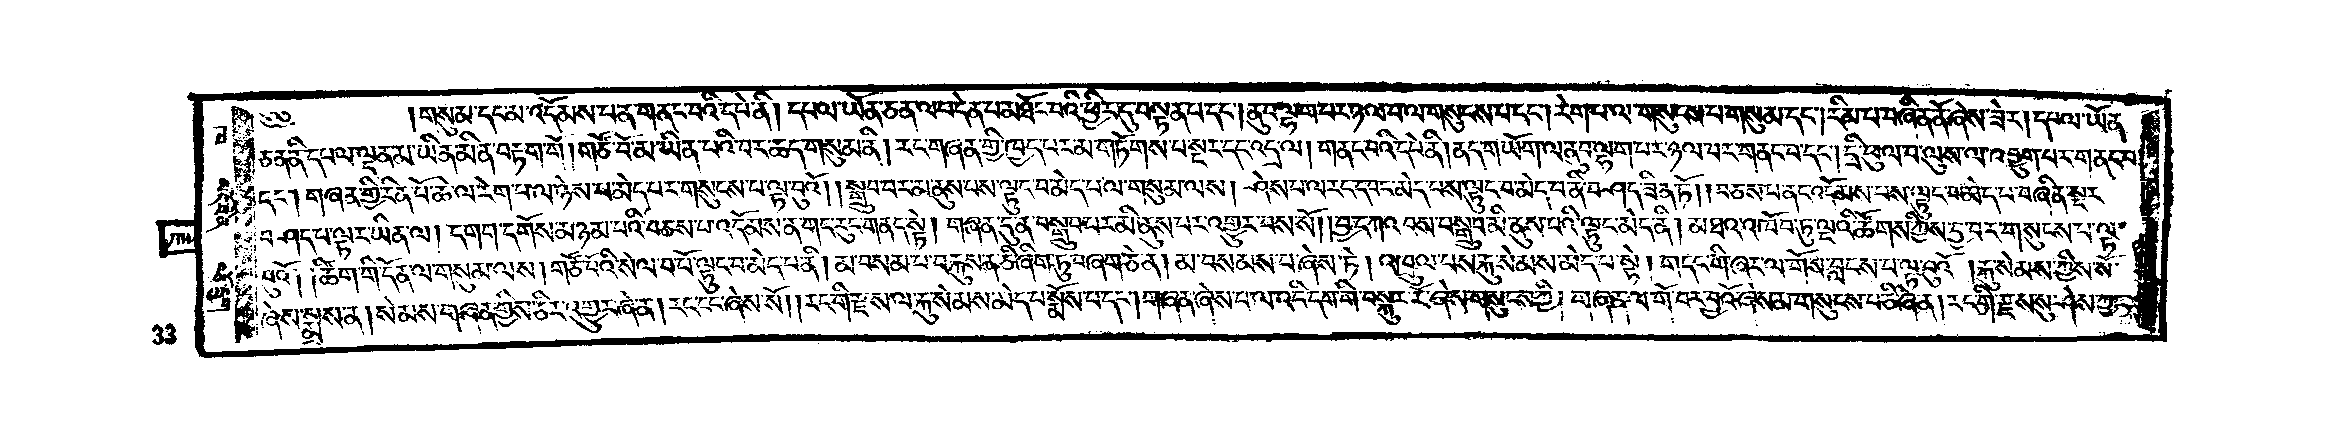༄༅། །གསུམ་དང་མ་འདོམས་པ་ན་གནང་བའི་དཔེ་ནི། དཔལ་ཡོན་ཅན་ལ་བདེན་པ་མཐོང་བའི་ཕྱིར་དུ་བསྟན་པ་དང་། ནུབ་ལྷག་པར་ཉལ་བ་ལ་གསུངས་པ་དང་། རེག་པ་ལ་གསུངས་པ་གསུམ་དང་། རིམ་པ་བཞིན་ནོ་ཞེས་ཟེར། དཔལ་ཡོན་
ཅན་ནི་དཔལ་ལྡན་མ་ཡིན་མིན་བརྟག་གོ། གཙོ་བོ་མ་ཡིན་པའི་བར་ཆད་གསུམ་ནི། རང་གཞན་གྱི་ཁྱད་པར་མ་གཏོགས་པ་སྔར་དང་འདྲ་ལ། གནང་བའི་དཔེ་ནི། ནད་གཡོག་ལ་ནུབ་ལྷག་པར་ཉལ་བར་གནང་བ་དང་། དྲི་ཕུལ་བ་ལུས་ལ་འབྱུག་པར་གནང་བ་
དང་། གཞན་གྱི་རིན་པོ་ཆེ་ལ་རེག་པ་ལ་ཉེས་པ་མེད་པར་གསུངས་པ་ལྟ་བུའོ། །སྒྲུབ་བར་མ་ནུས་པས་ལྟུང་བ་མེད་པ་ལ་གསུམ་ལས། ཤེས་པ་ལ་རང་དབང་མེད་པས་ལྟུང་བ་མེད་པ་ནི་བཤད་ཟིན་ཏོ། །བཅས་པ་ནང་འདོམས་པས་ལྟུང་བ་མེད་པ་བཞིན་སྔར་
བཤད་པ་ལྟར་ཡིན་ལ། དགག་དགོས་མཉམ་པའི་བཅས་པ་འདོམས་ན་གང་རུང་གནད་སྟེ། གཞན་དུ་ན་བསྒྲུབ་པར་མི་ནུས་པར་འགྱུར་པས་སོ། །བྱ་དཀའ་བས་བསྒྲུབ་མི་ནུས་པའི་ལྟུང་མེད་ནི། མཐའ་འཁོབ་ཏུ་ལྔའི་ཚོགས་ཀྱིས་བྱ་བར་གསུངས་པ་ལྟ་
བུའོ། །ཚིག་གི་དོན་ལ་གསུམ་ལས། གཙོ་བོའི་སེལ་བ་པོ་ལྟུང་བ་མེད་པ་ནི། མ་བསམ་པ་བརྐུས་ན་ཅི་ཞིག་ཏུ་བཞག་ཅེ་ན། མ་བསམས་པ་ཞེས་ཏེ། འཁྲུལ་པས་རྐུ་སེམས་མེད་པ་སྟེ། གདང་གི་ཞར་ལ་གོས་བླངས་པ་ལྟ་བུའོ་།རྐུ་སེམས་ཀྱིས་སོ་
ཞེས་སྨྲས་ན། སེམས་གཞན་གྱིས་ཅིར་འགྱུར་ཞེ་ན། རང་དང་ཞེས་སོ། །རང་གི་རྫས་ལ་རྐུ་སེམས་མེད་པ་སྨོས་པ་དང་། གཞན་ཞེས་པ་ལ་འདི་དག་གི་བསྐུར་རོ་ཞེས་གསུངས་ཀྱི། གཞན་ལ་གོ་བར་བྱའོ་ཞེས་མ་གསུངས་པ་ཅི་ཞེ་ན། རང་གི་རྫས་སུ་ཤེས་ཀྱང་